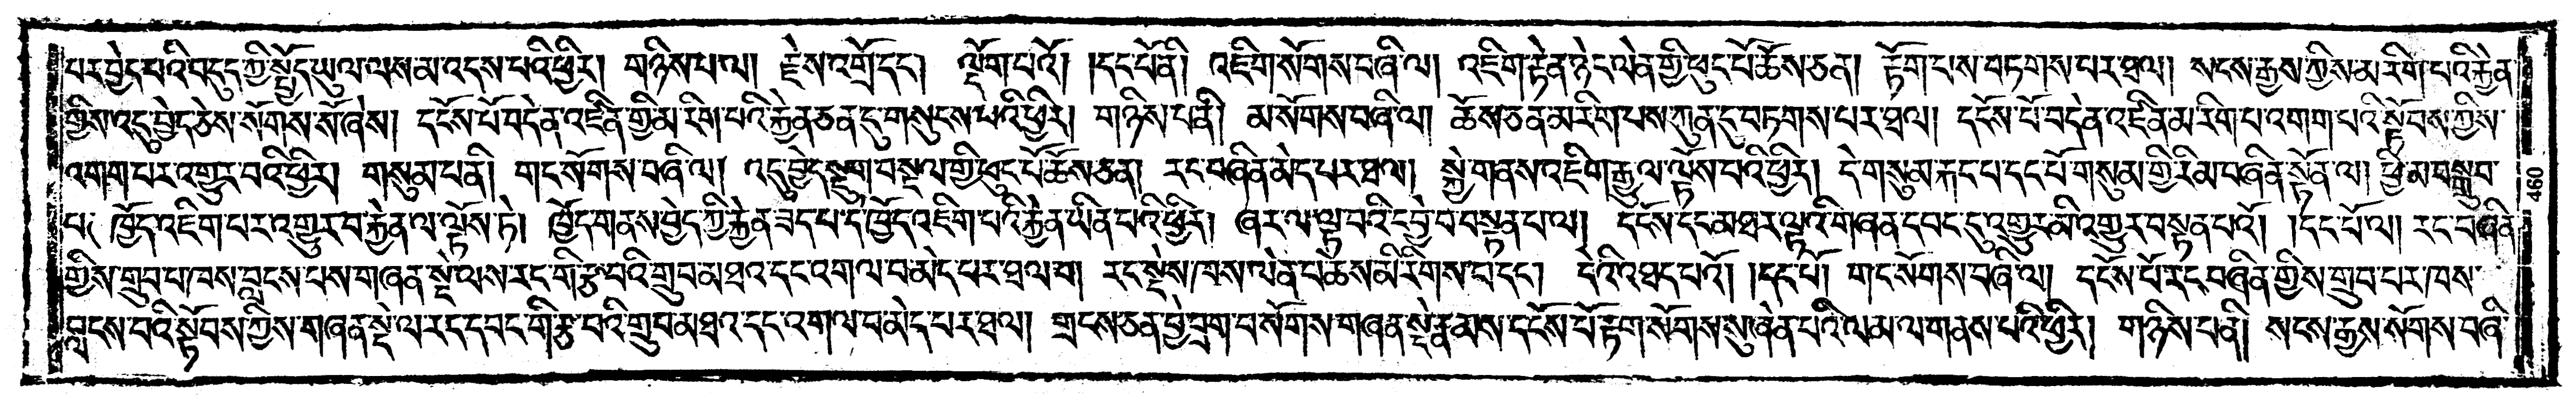པར་བྱེད་པའི་བདུད་ཀྱི་སྤྱོད་ཡུལ་ལས་མ་འདས་པའི་ཕྱིར། གཉིས་པ་ལ། རྗེས་འགྲོ་དང་། ལྡོག་པའོ། །དང་པོ་ནི། འཇིག་སོགས་བཞི་ལ། འཇིག་རྟེན་ཉེར་ལེན་གྱི་ཕུང་པོ་ཆོས་ཅན། རྟོག་པས་བཏགས་པར་ཐལ། སངས་རྒྱས་ཀྱིས་མ་རིག་པའི་རྐྱེན་
གྱིས་འདུ་བྱེད་ཅེས་སོགས་སོ་ཞེས། དངོས་པོ་བདེན་འཛིན་གྱི་མ་རིག་པའི་རྐྱེན་ཅན་དུ་གསུངས་པའི་ཕྱིར། གཉིས་པ་ནི། མ་སོགས་བཞི་ལ། ཆོས་ཅན་མ་རིག་པས་ཀུན་དུ་བཏགས་པར་ཐལ། དངོས་པོ་བདེན་འཛིན་མ་རིག་པ་འགག་པའི་སྟོབས་ཀྱིས་
འགག་པར་འགྱུར་བའི་ཕྱིར། གསུམ་པ་ནི། གང་སོགས་བཞི་ལ། འདུ་བྱེད་སྡུག་བསྔལ་གྱི་ཕུང་པོ་ཆོས་ཅན། རང་བཞིན་མེད་པར་ཐལ། སྐྱེ་གནས་འཇིག་རྒྱུ་ལ་ལྟོས་པའི་ཕྱིར། དེ་གསུམ་རྐང་པ་དང་པོ་གསུམ་གྱི་རིམ་བཞིན་སྟོན་ལ། ཕྱི་མ་བསྒྲུབ་
པ། ཁྱོད་འཇིག་པར་འགྱུར་བ་རྐྱེན་ལ་ལྟོས་ཏེ། ཁྱོད་གནས་བྱེད་ཀྱི་རྐྱེན་ཟད་པ་དེ་ཁྱོད་འཇིག་པའི་རྐྱེན་ཡིན་པའི་ཕྱིར། ཞར་ལ་ལྟ་བའི་དབྱེ་བ་བསྟན་པ་ལ། དངོས་དང་མཐར་ལྟའི་གཞན་དབང་དུ་འགྱུར་མི་འགྱུར་བསྟན་པའོ། །དང་པོ་ལ། རང་བཞིན་
གྱིས་གྲུབ་པ་ཁས་བླངས་པས་གཞན་སྡེ་ལས་རང་གི་རྩ་བའི་གྲུབ་མཐའ་དང་འགལ་བ་མེད་པར་ཐལ་བ། རང་སྡེས་ཁས་ལེན་པ་ཆེས་མི་རིགས་པ་དང་། དེའི་འཐད་པའོ། །དང་པོ། གང་སོགས་བཞི་ལ། དངོས་པོ་རང་བཞིན་གྱིས་གྲུབ་པར་ཁས་
བླངས་པའི་སྟོབས་ཀྱིས་གཞན་སྡེ་ལ་རང་དབང་གི་རྩ་བའི་གྲུབ་མཐའ་དང་འགལ་བ་མེད་པར་ཐལ། གྲངས་ཅན་བྱེ་བྲག་པ་སོགས་གཞན་སྡེ་རྣམས་དངོས་པོ་རྟག་སོགས་སུ་ཞེན་པའི་ལམ་ལ་གནས་པའི་ཕྱིར། གཉིས་པ་ནི། སངས་རྒྱས་སོགས་བཞི་